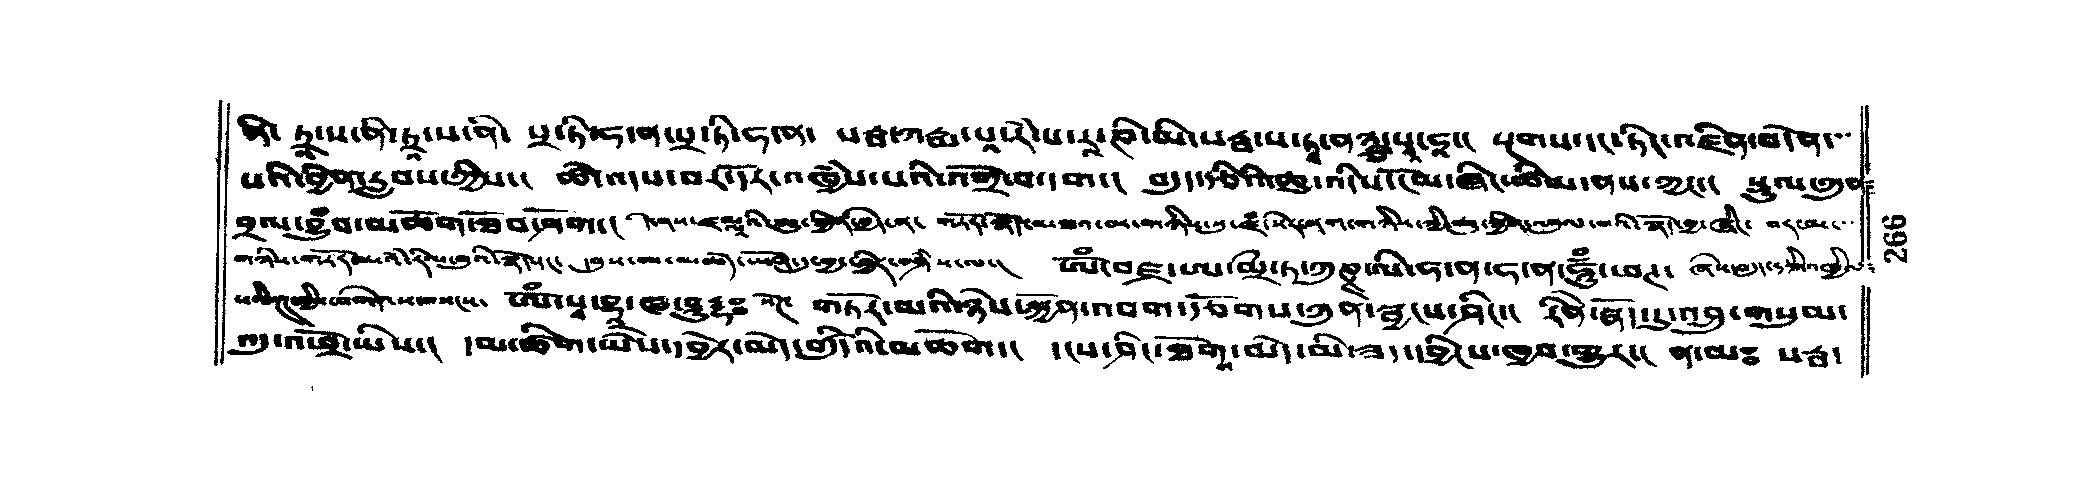ནི། ཏྲཱ་ས་ནི་ཏྲཱ་ས་ནི། པྲ་ཏི་ཧ་ན་པྲ་ཏི་ཧ་ན། སརྦ་ཀརྨ་པཱ་རཾ་པ་རཱ་ཎི་མི་སརྦ་ས་ཏྭ་ནཉྩ་སྭཱ་ཧཱ། སྔགས་དང་ཏིང་འཛིན་བདེན་
པའི་བྱིན་རླབས་ཀྱིས། །ཚེ་འདས་བར་དོར་འཁྱམས་པའི་འགྲོ་བ་དག་བདུད་རྩིའི་ཆུ་འདིས་ངོམ་ཞིང་ཚིམ་ནས་ཀྱང་། །སྡུག་བསྔལ་ཀུན་
བྲལ་བྱང་ཆུབ་མཆོག་ཐོབ་ཤོག་དེ་ནས་ཛམླཱའི་ཆུ་སྦྱིན་བྱེད་ན། གཏོར་སྣོད་མཐའ་མ་གཉིས་སུ་ཛམ་གསེར་ནག་གཉིས་ཆུ་སྦྱིན་འབུལ་བའི་སྣོད་བྱ་ཞིང་། བར་མ་
གཉིས་གཏོར་མའམ་རིལ་བུའི་སྣོད་དང་། དབུས་མ་མཆོད་ཡོན་དུ་བྱ་ཕྱིར་བཤམས་ལ། ཨོ་བཛྲ་ཨ་མྲྀ་ཏ་ཀུཎྜ་ལི་ཧ་ན་ཧ་ན་ཧཱུྃ་ཕཊ། ཞེས་བདུད་རྩི་འཁྱིལ་
པའི་སྔགས་ཀྱིས་བགེགས་བསངས། ཨོ་སྭ་བྷ་ཝ་ཤུ་དྡྷཿ སོགས།གཏོར་མའི་ཉེས་སྐྱོན་འབག་རྩོགས་ཀུན་སྦྱངས་ཤིང་། རིན་ཆེན་སྣོད་དུ་འབྲུ་གསུམ་
འདུ་འཕྲོ་ཡིས། །དམ་ཚིག་ཡེ་ཤེས་དབྱེར་མེད་བདུད་རྩི་མཆོག་དངས་ཤིང་ཐོགས་མེད་མི་ཟད་དབྱིངས་ཁྱབ་གྱུར། །ན་མཿསརྦ་